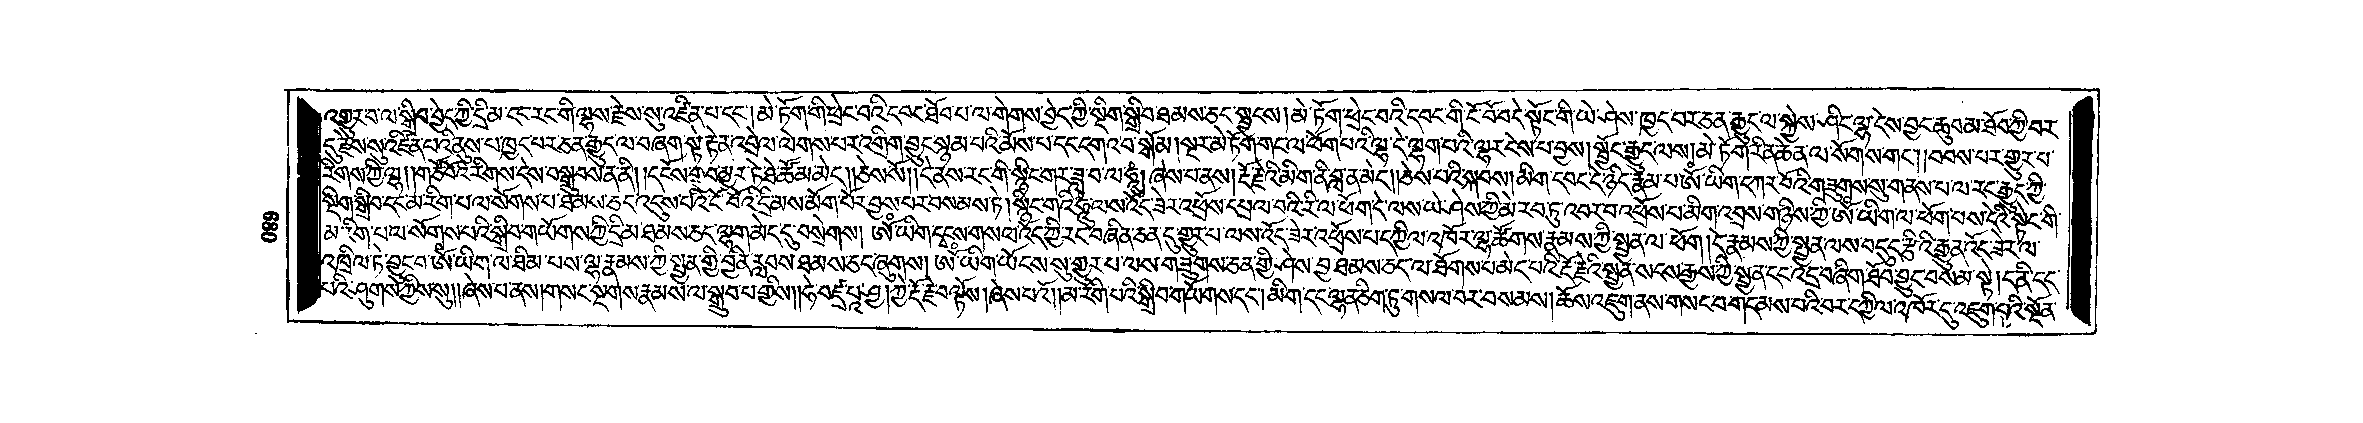འགྱུར་བ་ལ་སྒྲིབ་བྱེད་ཀྱི་དྲི་མ་དང་རང་གི་ལྷས་རྗེས་སུ་འཛིན་པ་དང་། མེ་ཏོག་གི་ཕྲེང་བའི་དབང་ཐོབ་པ་ལ་གེགས་བྱེད་ཀྱི་སྡིག་སྒྲིབ་ཐམས་ཅད་སྦྱངས། མེ་ཏོག་ཕྲེང་བའི་དབང་གི་ངོ་བོ་བདེ་སྟོང་གི་ཡེ་ཤེས་ཁྱད་པར་ཅན་རྒྱུད་ལ་སྐྱེས་ཤིང་ལྷ་ངེས་བྱང་ཆུབ་མ་ཐོབ་ཀྱི་བར་
དུ་རྗེས་སུ་འཛིན་པའི་ནུས་པ་ཁྱད་པར་ཅན་རྒྱུད་ལ་བཞག་སྟེ་རྟེན་འབྲེལ་ལེགས་པར་འགྲིག་བྱུང་སྙམ་པའི་མོས་པ་དང་དགའ་བ་སྒོམ། སྔར་མེ་ཏོག་གང་ལ་ཕོག་པའི་ལྷ་དེ་ལྷག་པའི་ལྷར་ངེས་པ་བྱས། སྦྱོང་རྒྱུད་ལས། མེ་ཏོག་རིན་ཆེན་ལ་སོགས་གང་། བབས་པར་གྱུར་པ་
རིགས་ཀྱི་ལྷ། །གཙོ་བོའི་རིགས་དེས་བསྒྲུབས་ན་ནི། །དངོས་གྲུབ་མྱུར་ཏེ་ཐེ་ཚོམ་མེད། །ཅེས་སོ། །དེ་ནས་རང་གི་སྙིང་གར་ཟླ་བ་ལ་ཧཱུཾ། ཞེས་པ་ནས། རྡོ་རྗེའི་མིག་ནི་བླ་ན་མེད། །ཅེས་པའི་སྐབས། མིག་དབང་དེ་ཉིད་རྣམ་པ་ཨོཾ་ཡིག་དཀར་པོའི་གཟུགས་སུ་གནས་པ་ལ་རང་རྒྱུད་ཀྱི་
སྡིག་སྒྲིབ་དང་མ་རིག་པ་ལ་སོགས་པ་ཐམས་ཅད་འདུས་པའི་ངོ་བོའི་དྲི་མས་མོག་པོར་བྱས་པར་བསམས་ཏེ། སྙིང་གའི་ཧཱུཾ་ལས་འོད་ཟེར་འཕྲོས་དཔྲལ་བའི་རི་ལ་ཕོག་དེ་ལས་ཡེ་ཤེས་ཀྱི་མེ་རབ་ཏུ་འབར་བ་འཕྲོས་པ་མིག་འབྲས་གཉིས་ཀྱི་ཨོཾ་ཡིག་ལ་ཕོག་པས་དེའི་སྟེང་གི་
མ་རིག་པ་ལ་སོགས་པའི་སྒྲིབ་གཡོགས་དྲི་མ་ཐམས་ཅད་ལྷག་མེད་དུ་བསྲེགས། ཨོཾ་ཡིག་དྭངས་གསལ་འོད་ཀྱི་རང་བཞིན་ཅན་དུ་གྱུར་པ་ལས་འོད་ཟེར་འཕྲོས་པ་དཀྱིལ་འཁོར་ལྷ་ཚོགས་རྣམས་ཀྱི་སྤྱན་ལ་ཕོག །དེ་རྣམས་ཀྱི་སྤྱན་ལས་བདུད་རྩིའི་རྒྱུན་འོད་ཟེར་ལ་
འཁྲིལ་ཏེ་བྱུང་བ་ཨོཾ་ཡིག་ལ་ཐིམ་པས་ལྷ་རྣམས་ཀྱི་སྤྱན་གྱི་བྱིན་རླབས་ཐམས་ཅད་ཞུགས། ཨོཾ་ཡིག་ཡོངས་སུ་གྱུར་པ་ལས་གཟུགས་ཅན་གྱི་ཤེས་བྱ་ཐམས་ཅད་ལ་ཐོགས་པ་མེད་པའི་རྡོ་རྗེའི་སྤྱན་སངས་རྒྱས་ཀྱི་སྤྱན་དང་འདྲ་བ་ཞིག་ཐོབ་བྱུང་བསམ་སྟེ། ད་ནི་དད་
པའི་ཤུགས་ཀྱིས་སུ། །ཞེས་པ་ནས། གསང་སྔགས་རྣམས་ལ་སྒྲུབ་པ་གྱིས། །ཧེ་བྫྲ་པཱ་ཤྱ། ཀྱེ་རྡོ་རྗེ་བལྟོས། ཞེས་པའོ། །མ་རིག་པའི་སྒྲིབ་གཡོགས་དང་། མིག་དང་ལྷན་ཅིག་ཏུ་གསལ་བར་བསམས། ཆོས་འཇུག་ནས་གསང་བ་གདམས་པའི་བར་དཀྱིལ་འཁོར་དུ་འཇུག་པའི་སྔོན་